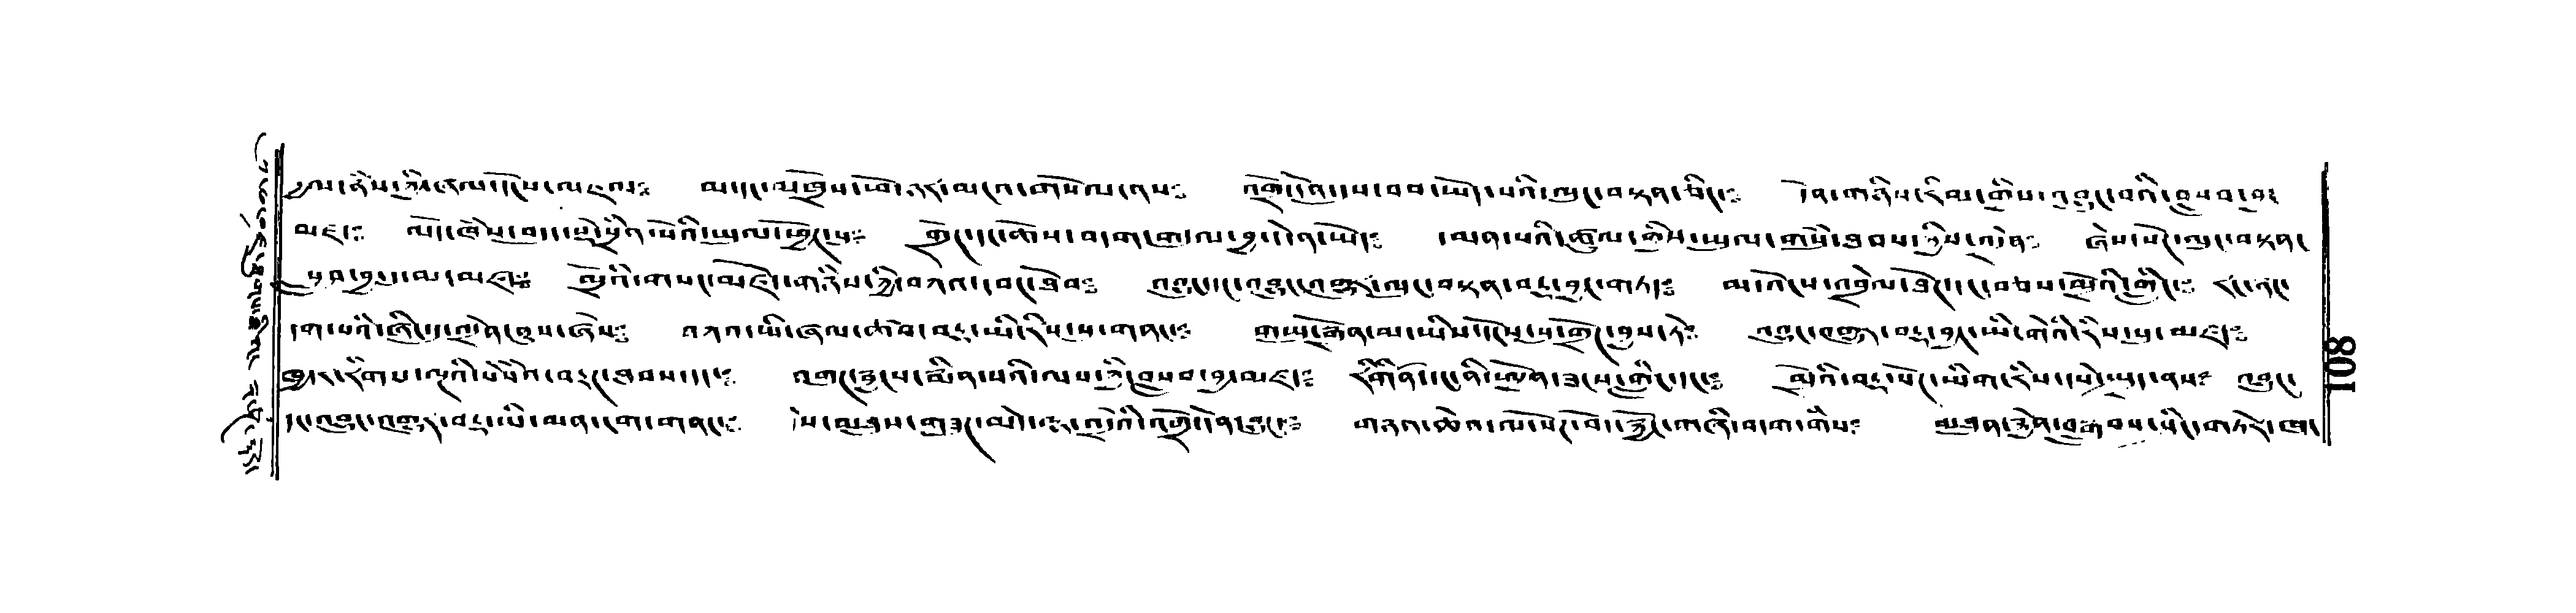རྒྱལ་རྣམས་ཀྱི་ཞལ་དངོས་མཇལ༔ མ་དང་མཁའ་འགྲོའི་ཕོ་ཉར་མངའ་གསོལ་ནས༔ འགྲོ་དོན་དུས་བབ་ཡོད་པའི་ལུང་བསྟན་ཅིང༔ དོན་གཉིས་རིམ་གྱིས་འབྱུང་བའི་བསླབ་བྱ་
མཛད༔ མདོ་ཁམས་བདུད་སྡེ་སྲིན་པོའི་ཡུལ་ཕྱོགས་སུ༔གྲོགས་དང་ཆོས་བདག་གདུལ་བྱ་དེ་ན་ཡོད༔ དམན་པའི་ཚུལ་གྱིས་ཡུལ་གསུམ་ཐབས་ཀྱིས་འདྲེན༔ ཞེས་སོགས་ལུང་བསྟན་
སླབ་བྱ་དུ་མ་མཛད༔ མཁའ་འགྲོའི་གསང་མཛོད་གཉིས་ཀྱི་བཀའ་དབང་ཐོབ༔ འབྱུང་དང་འབྱུང་འགྱུར་ལུང་བསྟན་བརྡ་བྱང་གཏད༔ མ་འོངས་འབྲེལ་ཐོགས་དང་བཅས་མཁའ་འགྲོའི་གླིང༔ རང་སྣང་
དག་པའི་ཞིང་དུ་འདྲེན་ནུས་ཞེས༔ བཀའ་ཡི་ཞལ་ཚབ་བརྡ་ཡི་རིས་སུ་གནང༔ གཡུ་སྒྲོན་མ་ཡིས་དངོས་སུ་གྲོགས་བྱས་ཏེ༔ འབྱུང་འགྱུར་བརྡ་བྱང་ཡི་གེའི་རིས་སུ་མཛད༔ 
ཁྱད་པར་རིགས་ལྔའི་སེམས་དཔའ་བརྟག་ཐབས་དང༔ འགུགས་སྦྱངས་སྨིན་པའི་ལས་ཀྱི་བསླབ་བྱ་མཛད༔ རིག་འཛིན་དང་ནི་ཨོ་རྒྱན་ཟངས་གླིང་དང༔ མཁའ་འགྲོའི་བརྡ་སོགས་ཡིག་རིས་དཔེ་སྤྲད་ནས༔ འབྱུང་
དང་འབྱུང་འགྱུར་བརྡ་ཡི་མན་ངག་གནང༔ དེས་མཐུས་གཟུགས་མེད་ལྷ་འདྲེའི་འགྲོ་དོན་བྱུང༔ གཉན་ཆེན་ལ་སོགས་བོད་སྐྱོང་གཞི་བདག་གིས༔ མཐུན་རྐྱེན་བསྒྲུབས་ཤིང་གཏེར་ཁ་